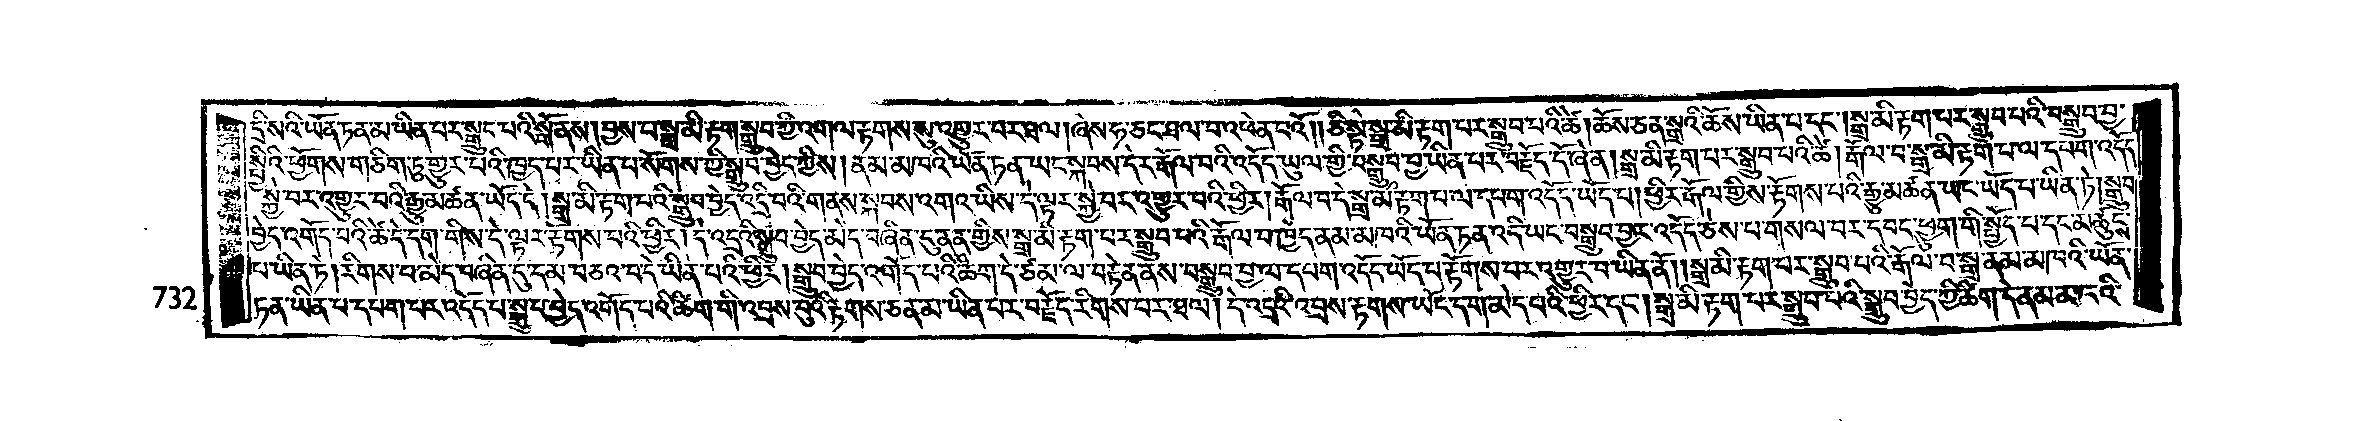དྲི་སའི་ཡོན་ཏན་མ་ཡིན་པར་སྒྲུད་པའི་སྒོ་ནས། བྱས་པ་སྒྲ་མི་རྟག་སྒྲུབ་ཀྱི་འགལ་རྟགས་སུ་འགྱུར་བར་ཐལ། ཞེས་ཧ་ཅང་ཐལ་བ་འཕེན་པའོ། །ཅི་སྟེ་སྒྲ་མི་རྟག་པར་སྒྲུབ་པའི་ཚེ། ཆོས་ཅན་སྒྲའི་ཆོས་ཡིན་པ་དང་། སྒྲ་མི་རྟག་པར་སྒྲུབ་པའི་བསྒྲུབ་བྱ་
སྤྱིའི་ཕྱོགས་གཅིག་ཏུ་གྱུར་པའི་ཁྱད་པར་ཡིན་པ་སོགས་ཀྱི་སྒྲུབ་བྱེད་ཀྱིས། ནམ་མཁའི་ཡོན་ཏན་ཡང་སྐབས་དེར་རྒོལ་བའི་འདོད་ཡུལ་གྱི་བསྒྲུབ་བྱ་ཡིན་པར་བརྗོད་དོ་ཞེ་ན། སྒྲ་མི་རྟག་པར་སྒྲུབ་པའི་ཚེ། རྒོལ་བ་སྒྲ་མི་རྟག་པ་ལ་དཔག་འདོད་
སྐྱེ་བར་འགྱུར་བའི་རྒྱུ་མཚན་ཡོད་དེ། སྒྲ་མི་རྟག་པའི་སྒྲུབ་བྱེད་འདྲི་བའི་གནས་སྐབས་འགའ་ཡིས་དེ་ལྟར་སྐྱེ་བར་འགྱུར་བའི་ཕྱིར། རྒོལ་བ་དེ་སྒྲ་མི་རྟག་པ་ལ་དཔག་འདོད་ཡོད་པ། ཕྱིར་རྒོལ་གྱིས་རྟོགས་པའི་རྒྱུ་མཚན་ཡང་ཡོད་པ་ཡིན་ཏེ། སྒྲུབ་
བྱེད་འགོད་པའི་ཚེ་དེ་དག་གིས་དེ་ལྟར་རྟོགས་པའི་ཕྱིར། དེ་འདྲའི་སྒྲུབ་བྱེད་མེད་བཞིན་དུ་ནན་གྱིས་སྒྲ་མི་རྟག་པར་སྒྲུབ་ཧྤའི་རྒོལ་བ་ཁྱོད་ནམ་མཁའི་ཡོན་ཏན་འདི་ཡང་བསྒྲུབ་བྱར་འདོད་ཅེས་པ་གསལ་བར་དབང་ཕྱུག་གི་སྤྱོད་པ་དང་མཚུངས་
པ་ཡིན་ཏེ། རིགས་པ་མེད་བཞིན་དུ་དམ་བཅའ་བ་དེ་ཡིན་པའི་ཕྱིར། སྒྲུབ་བྱེད་འགོད་པའི་ཚིག་དེ་ཙམ་ལ་བརྟེན་ནས་བསྒྲུབ་བྱ་ལ་དཔག་འདོད་ཡོད་པ་རྟོགས་པར་འགྱུར་བ་ཡིན་ནོ། །སྒྲ་མི་རྟག་པར་སྒྲུབ་པའི་རྒོལ་བ་སྒྲ་ནམ་མཁའི་ཡོན་
ཏན་ཡིན་པ་དཔག་པར་འདོད་པ་སྒྲུབ་བྱེད་འགོད་པའི་ཚིག་གི་འབྲས་བུའི་རྟགས་ཅན་མ་ཡིན་པར་བརྗོད་རིགས་པར་ཐལ། དེ་འདྲའི་འབྲས་རྟགས་ཡང་དག་མེད་པའི་ཕྱིར་དང་། སྒྲ་མི་རྟག་པར་སྒྲུབ་པའི་སྒྲུབ་བྱེད་ཀྱི་ཚིག་དེ་ནམ་མཁའི་